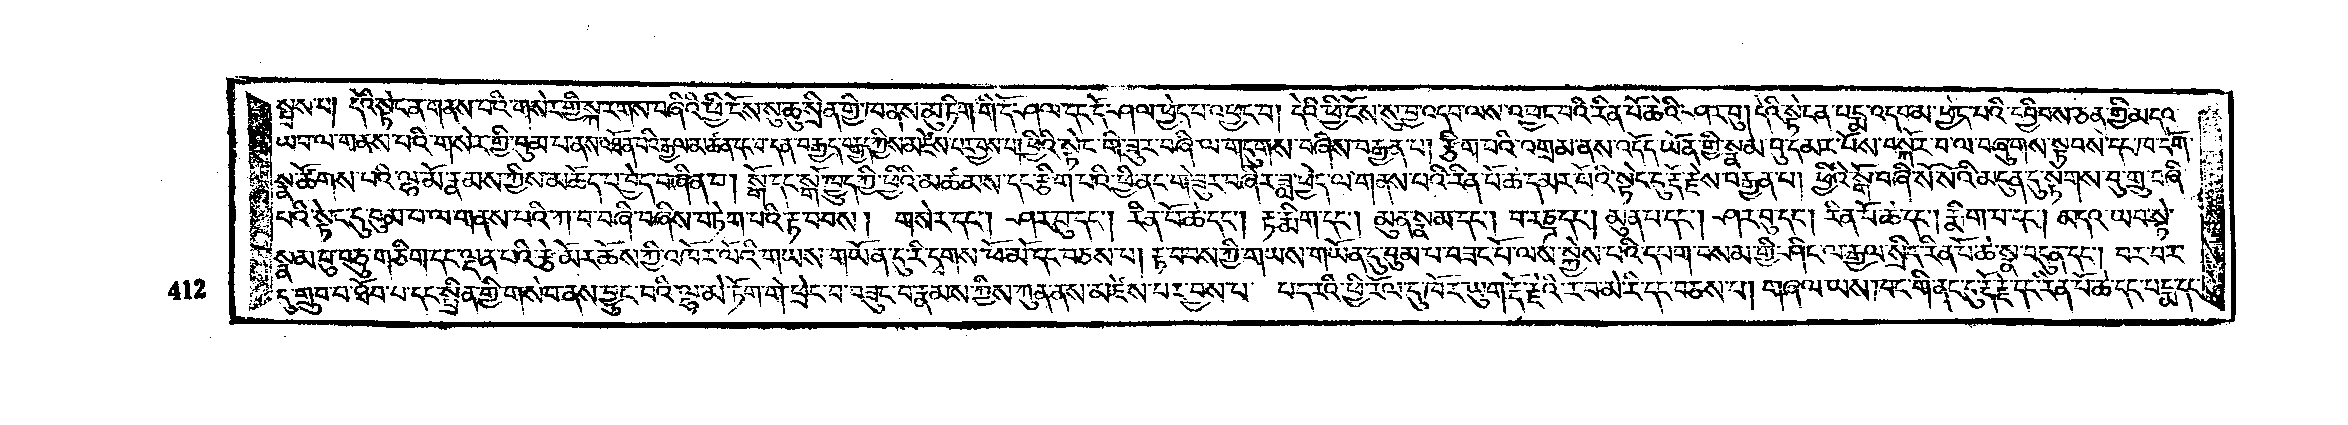སྤྲས་པ། དེའི་སྟེང་ན་གནས་པའི་གསེར་གྱི་སྐ་རགས་བཞིའི་ཕྱི་ངོས་སུ་ཆུ་སྲིན་གྱི་ཁ་ནས་མུ་ཏིག་གི་དོ་ཤལ་དང་དོ་ཤལ་ཕྱེད་པ་འཕྱང་བ། དེའི་ཕྱི་ངེས་སུ་བྱ་འདབ་ལས་འཕྱང་བའི་རིན་པོ་ཆེའི་ཤར་བུ། དེའི་སྟེང་ན་པདམ་འདབ་མ་ཕྱེད་པའི་དབྱིབས་ཅན་གྱི་མདའ་
ཡབ་ལ་གནས་པའི་གསེར་གྱི་བུམ་པ་ནས་འཐོན་པའི་རྒྱལ་མཚན་དང་བ་དན་བརྒྱད་བརྒྱད་ཀྱིས་མཛེས་པར་བྱས་པ། ཕྱིའི་སྟེང་གི་ཟུར་བཞི་ལ་གདུགས་བཞིས་བརྒྱན་པ། རྩིག་པའི་འགྲམ་ནས་འདོད་ཡོན་གྱི་སྣམ་བུ་དམར་པོས་བསྐོར་བ་ལ་བཞུགས་སྟབས་དང་ཁ་དོག་
སྣ་ཚོགས་པའི་ལྷ་མོ་རྣམས་ཀྱིས་མཆོད་པ་བྱེད་བཞིན་པ། སྒོ་དང་སྒོ་ཁྱུད་ཀྱི་ཕྱིའི་མཚམས་དང་རྩིག་པའི་ཕྱི་ནང་གི་ཟུར་བཞིར་ཟླ་ཕྱེད་ལ་གནས་པའི་རིན་པོ་ཆེ་དམར་པོའི་སྟེང་དུ་རྡོ་རྗེ་བརྒྱན་པ། ཕྱིའི་སྒོ་བཞི་སོ་སོའི་མདུན་དུ་སྟེགས་བུ་གྲུ་བཞི་
པའི་སྟེང་དུ་བུམ་པ་ལ་གནས་པའི་ཀ་བ་བཞི་བཞིས་བཏེག་པའི་རྟ་བབས། གསེར་དང་། ཤར་བུ་དང་། རིན་པོ་ཆེ་དང་། རྟ་རྨིག་དང་། མུན་སྣམ་དང་། བ་རཎྜ་དང་། མུན་པ་དང་། ཤར་བུ་དང་། རིན་པོ་ཆེ་དང་། རྨིག་པ་དང་། མདའ་ཡབ་སྟེ་
སྣམ་བུ་བཅུ་གཅིག་དང་ལྡན་པའི་རྩེ་མོར་ཆོས་ཀྱི་འཁོར་ལོའི་གཡས་གཡོན་དུ་རི་དྭགས་ཕོ་མོ་དང་བཅས་པ། རྟ་བབས་ཀྱི་གཡས་གཡོན་དུ་བུམ་པ་བཟང་པོ་ལས་སྐྱེས་པའི་དཔག་བསམ་གྱི་ཤིང་ལ་རྒྱལ་སྲིད་རིན་པོ་ཆེ་སྣ་བདུན་དང་། བར་བར་
དུ་གྲུབ་པ་ཐོབ་པ་དང་སྤྲིན་གྱི་གསེབ་ནས་བྱུང་བའི་ལྷ་མེ་ཏོག་གི་ཕྲེང་བ་བཟུང་བ་རྣམས་ཀྱིས་ཀུན་ནས་མཛེས་པར་བྱས་པ། པད་རའི་ཕྱི་རོལ་དུ་ཁོར་ཡུག་རྡོ་རྗེའི་རེ་བ་མེ་རི་དང་བཅས་པ། གཞལ་ཡས་ཁང་གི་ནང་དུ་རྡོ་རྗེ་དང་རིན་པོ་ཆེ་དང་པདམ་དང་